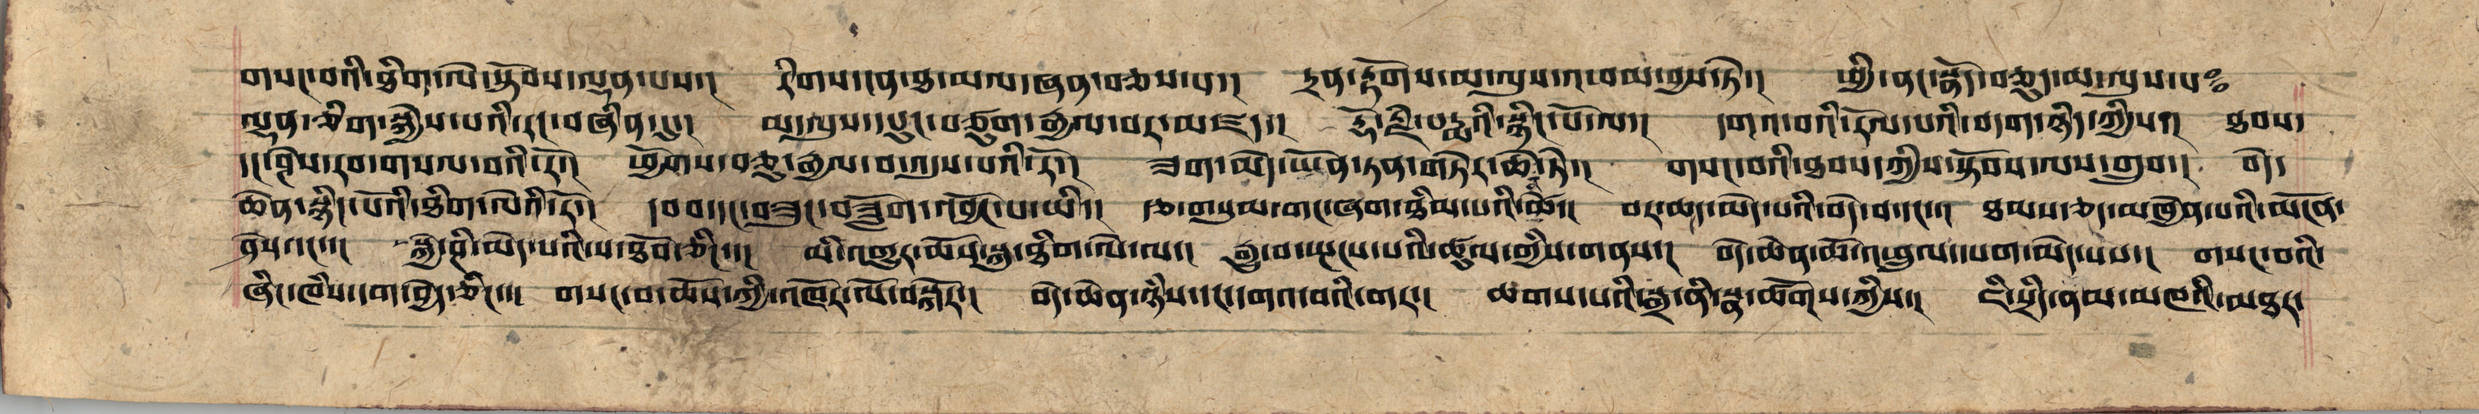གསང་བའི་ཐིག་ལེ་སྟོབས་ལྡན་པས་། རིགས་ངན་ཐ་མལ་ཞན་བཅས་པ་། དྲན་རྟོགས་མ་ལུས་འཕམ་བྱས་ཏེ་། ཕྱི་ནང་སྣོད་བཅུད་མ་ལུས་པཿ
ལྷན་ཅིག་སྐྱེས་པའི་རང་བཞིན་དུ་། མ་ལུས་དཔུང་བཙུག་རྒྱལ་བར་མཛད་། རྡོ་རྗེ་པདྨའི་སྙིང་པོ་ལ་། དགའ་བའི་རོལ་པའི་བདག་ཉིད་ཀྱིས་། ཐབས་
དང་ཤེས་རབ་གསལ་བའི་རོ་། ཕྱོགས་བཅུ་རྒྱལ་བ་འདུས་པའིརོ་། ཟག་མེད་ཡོན་ཏན་གཏེར་ཆེན་ཏེ་། གསང་བའི་ཐབས་ཀྱིས་སྟོབས་ལས་གྲུབ་། བདེ་
ཆེན་སྙིང་པོའི་ཐིག་ལེའི་རོ་། དབབ་དང་བཟུང་བཟློག་འབྱོང་པ་ཡི་། རྩ་གསུམ་གང་ཞག་ཐིམ་པའི་ཚེ་། བར་ཆད་མེད་པའི་བདེ་བ་དང་་། ཐམས་ཅད་མཁྱེན་པའི་མངོན་
ཤེས་དང་་། སྐྱེ་ཤི་མེད་པའི་ས་ཐོབ་ཅིང་་། མི་འགྱུར་ཆོས་སྐུ་ཐིག་ལེ་ལ་། རྒྱུ་བ་སྤངས་པའི་ཚུལ་གྱིས་གནས་། བདེ་ཆེན་ཆོ་འཕྲུལ་དཔག་མེད་པས་། གསང་བའི་
ཞིང་ཁཾས་དག་བྱེད་ཅིང་་། གསང་བ་ཆོས་ཀྱི་འཁོར་ལོ་བསྐོར་། བདེ་ཆེན་ཉཾས་དང་དགའ་བའི་གར་། ཆགས་པའི་སྒྲ་ནི་སྣ་ཚོགས་ཀྱིས་། ཇི་སྲིད་ནམ་མཁའི་མཐར་